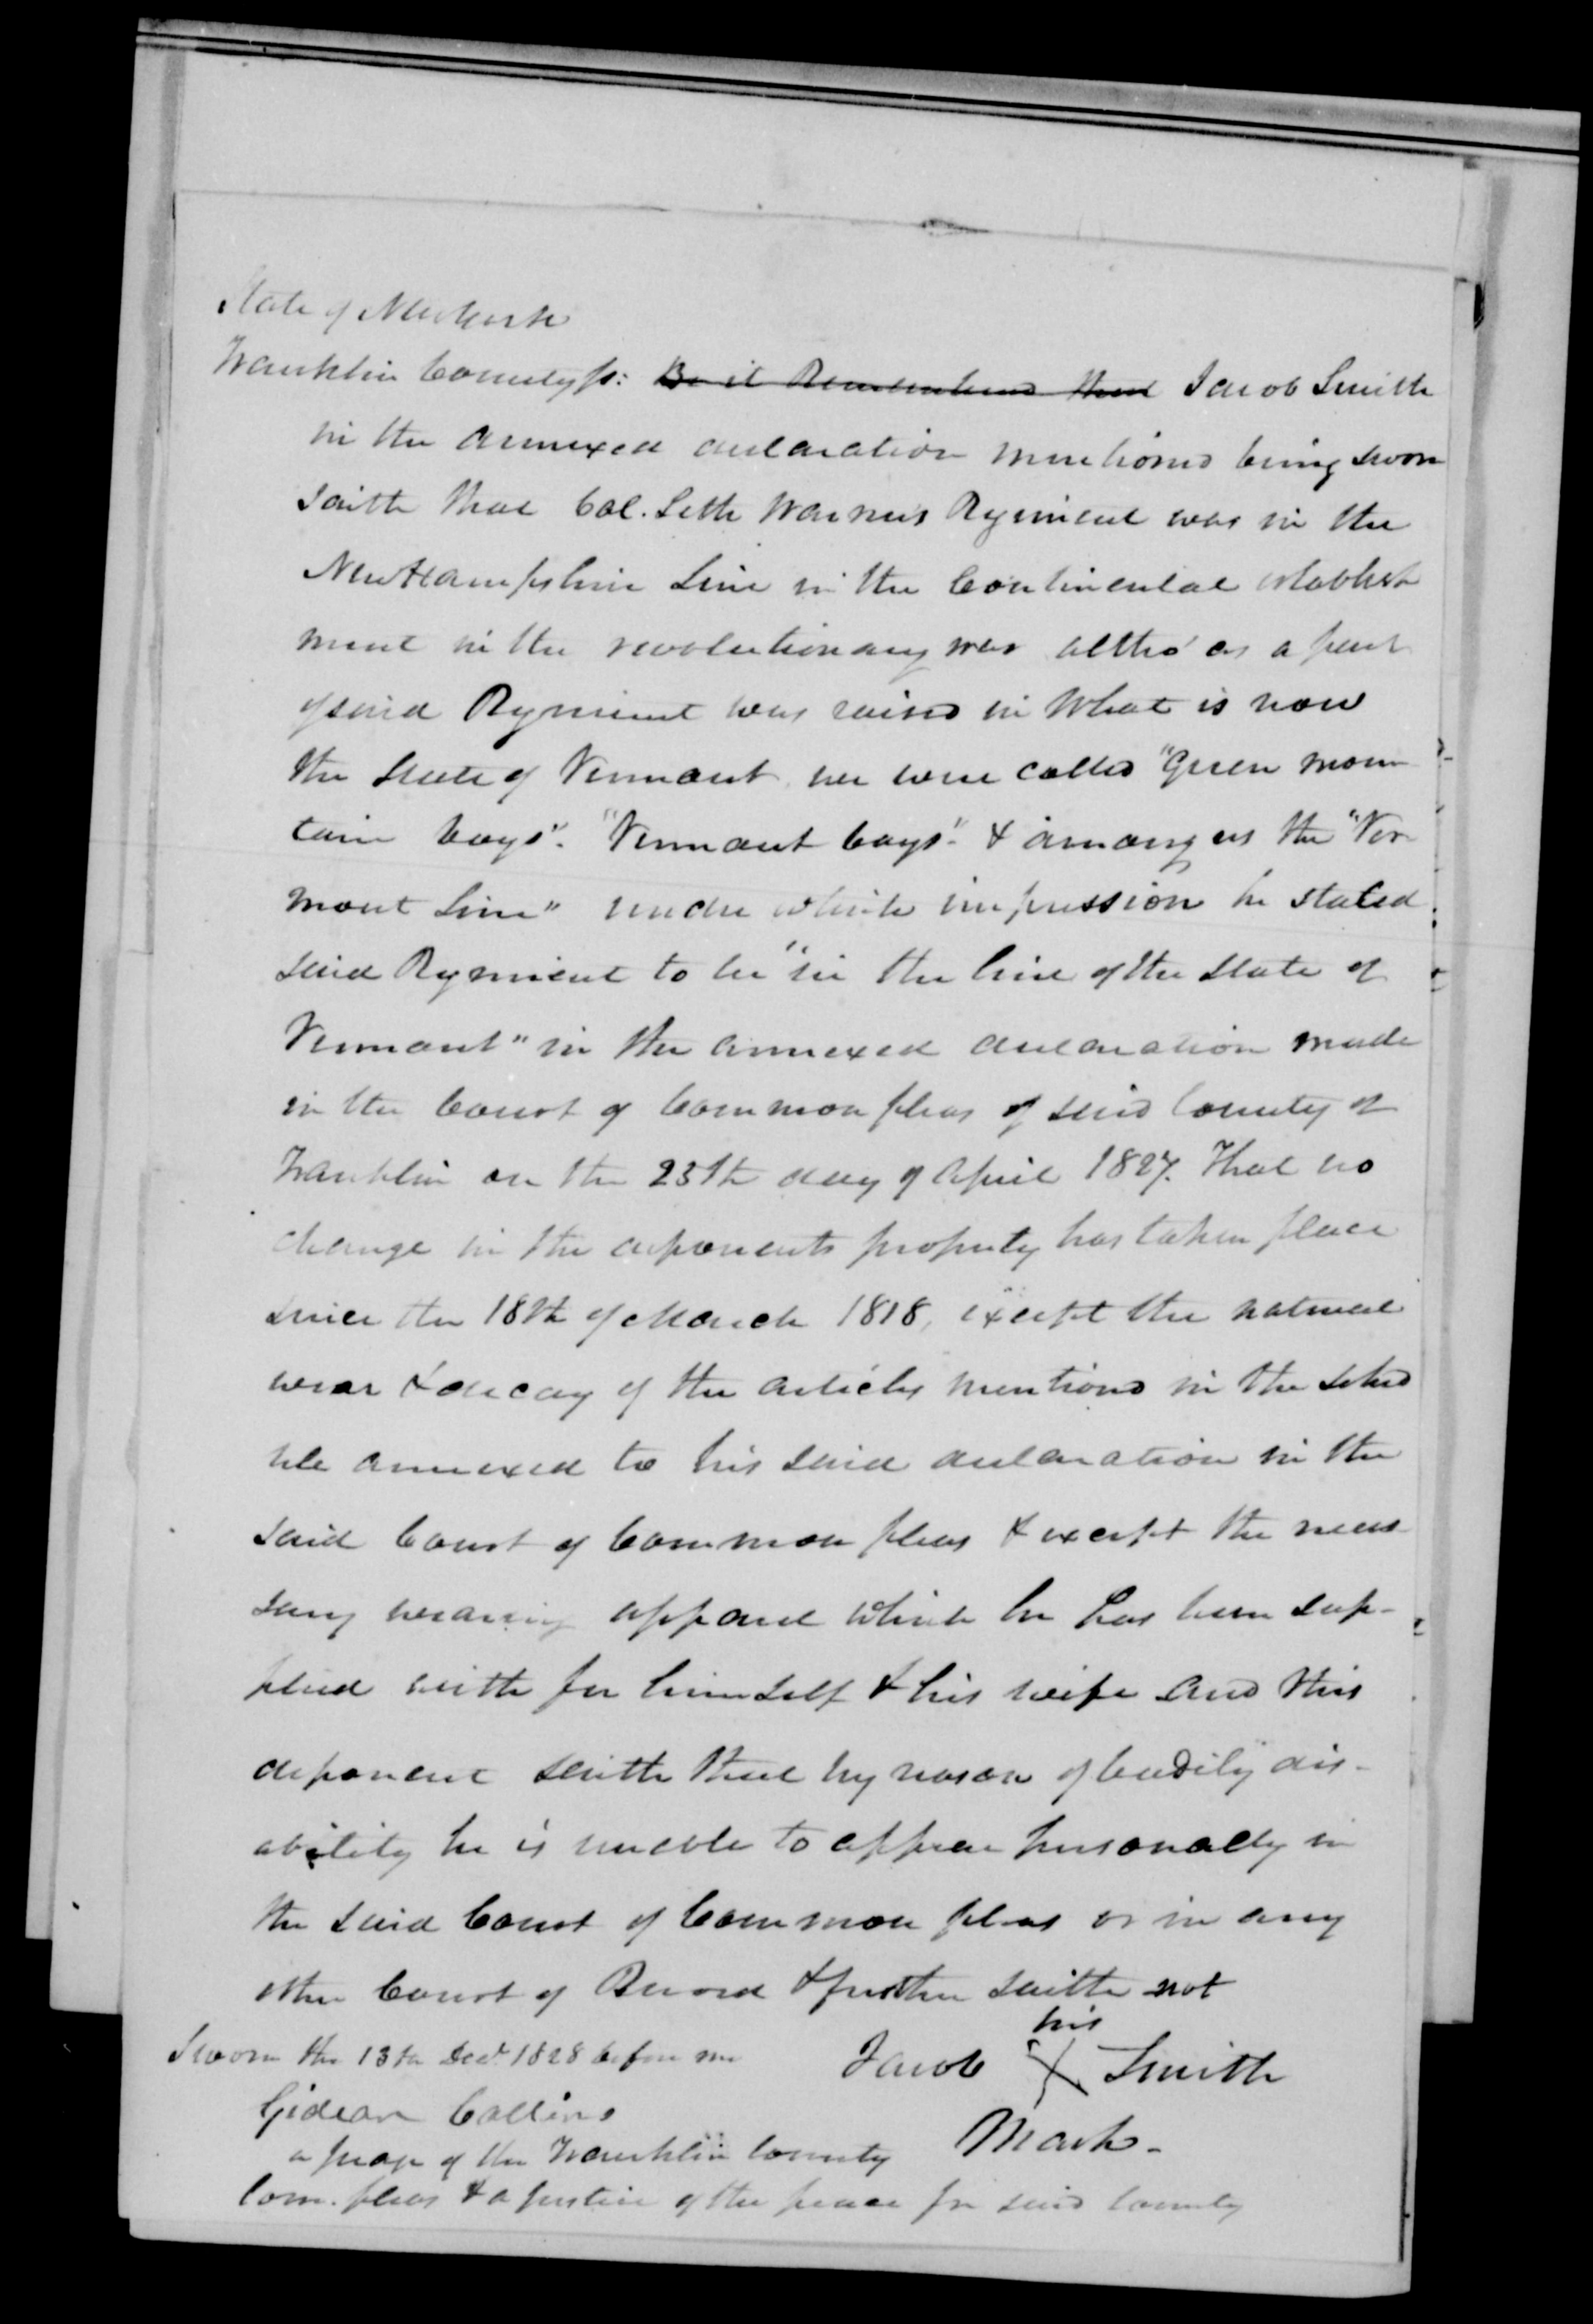State of New York
Franklin County ss: [Crossed out, three illegible words] Jacob Smith in the annexed declaration mentioned being sworn saith that Col. Seth Warner's Regiment was in the New Hampshire Line in the Continental establishment in the revolutionary war altho as a part of said Regiment was raised in what is now the State of Vermont we were called "Green Mountain boys". "Vermont boys". & among us the "Vermont Line" under which impression he stated said Regiment to be "in the line of the State of Vermont" in the annexed declaration made in the Court of Common pleas of said County of Franklin on the 25th day of April 1827. That no change in the deponents property has taken place since the 18th of March 1818, except the natural wear & decay of the articles mentioned in the [illegible] annexed to his said declaration in the said Court of Common pleas & except the necessary wearing apparel which he has been supplied with for himself & his wife and this deponent saith the that by reason of bodily disability he is unable to appear personally in the said Court of Common pleas or in any Court of Record & further saith not

his
Jacob X Smith
Mark.

Sworn the 13th  Decr 1828 before me
Gideon Collins
a Judge of the Franklin County
Com. pleas & a Justice of the peace for said County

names: Jacob Smith; Jacob Smith; Gideon Collins; [BLANK] Smith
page: 10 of 15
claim: survivor's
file: S. 43157, for Jacob Smith, Vermont